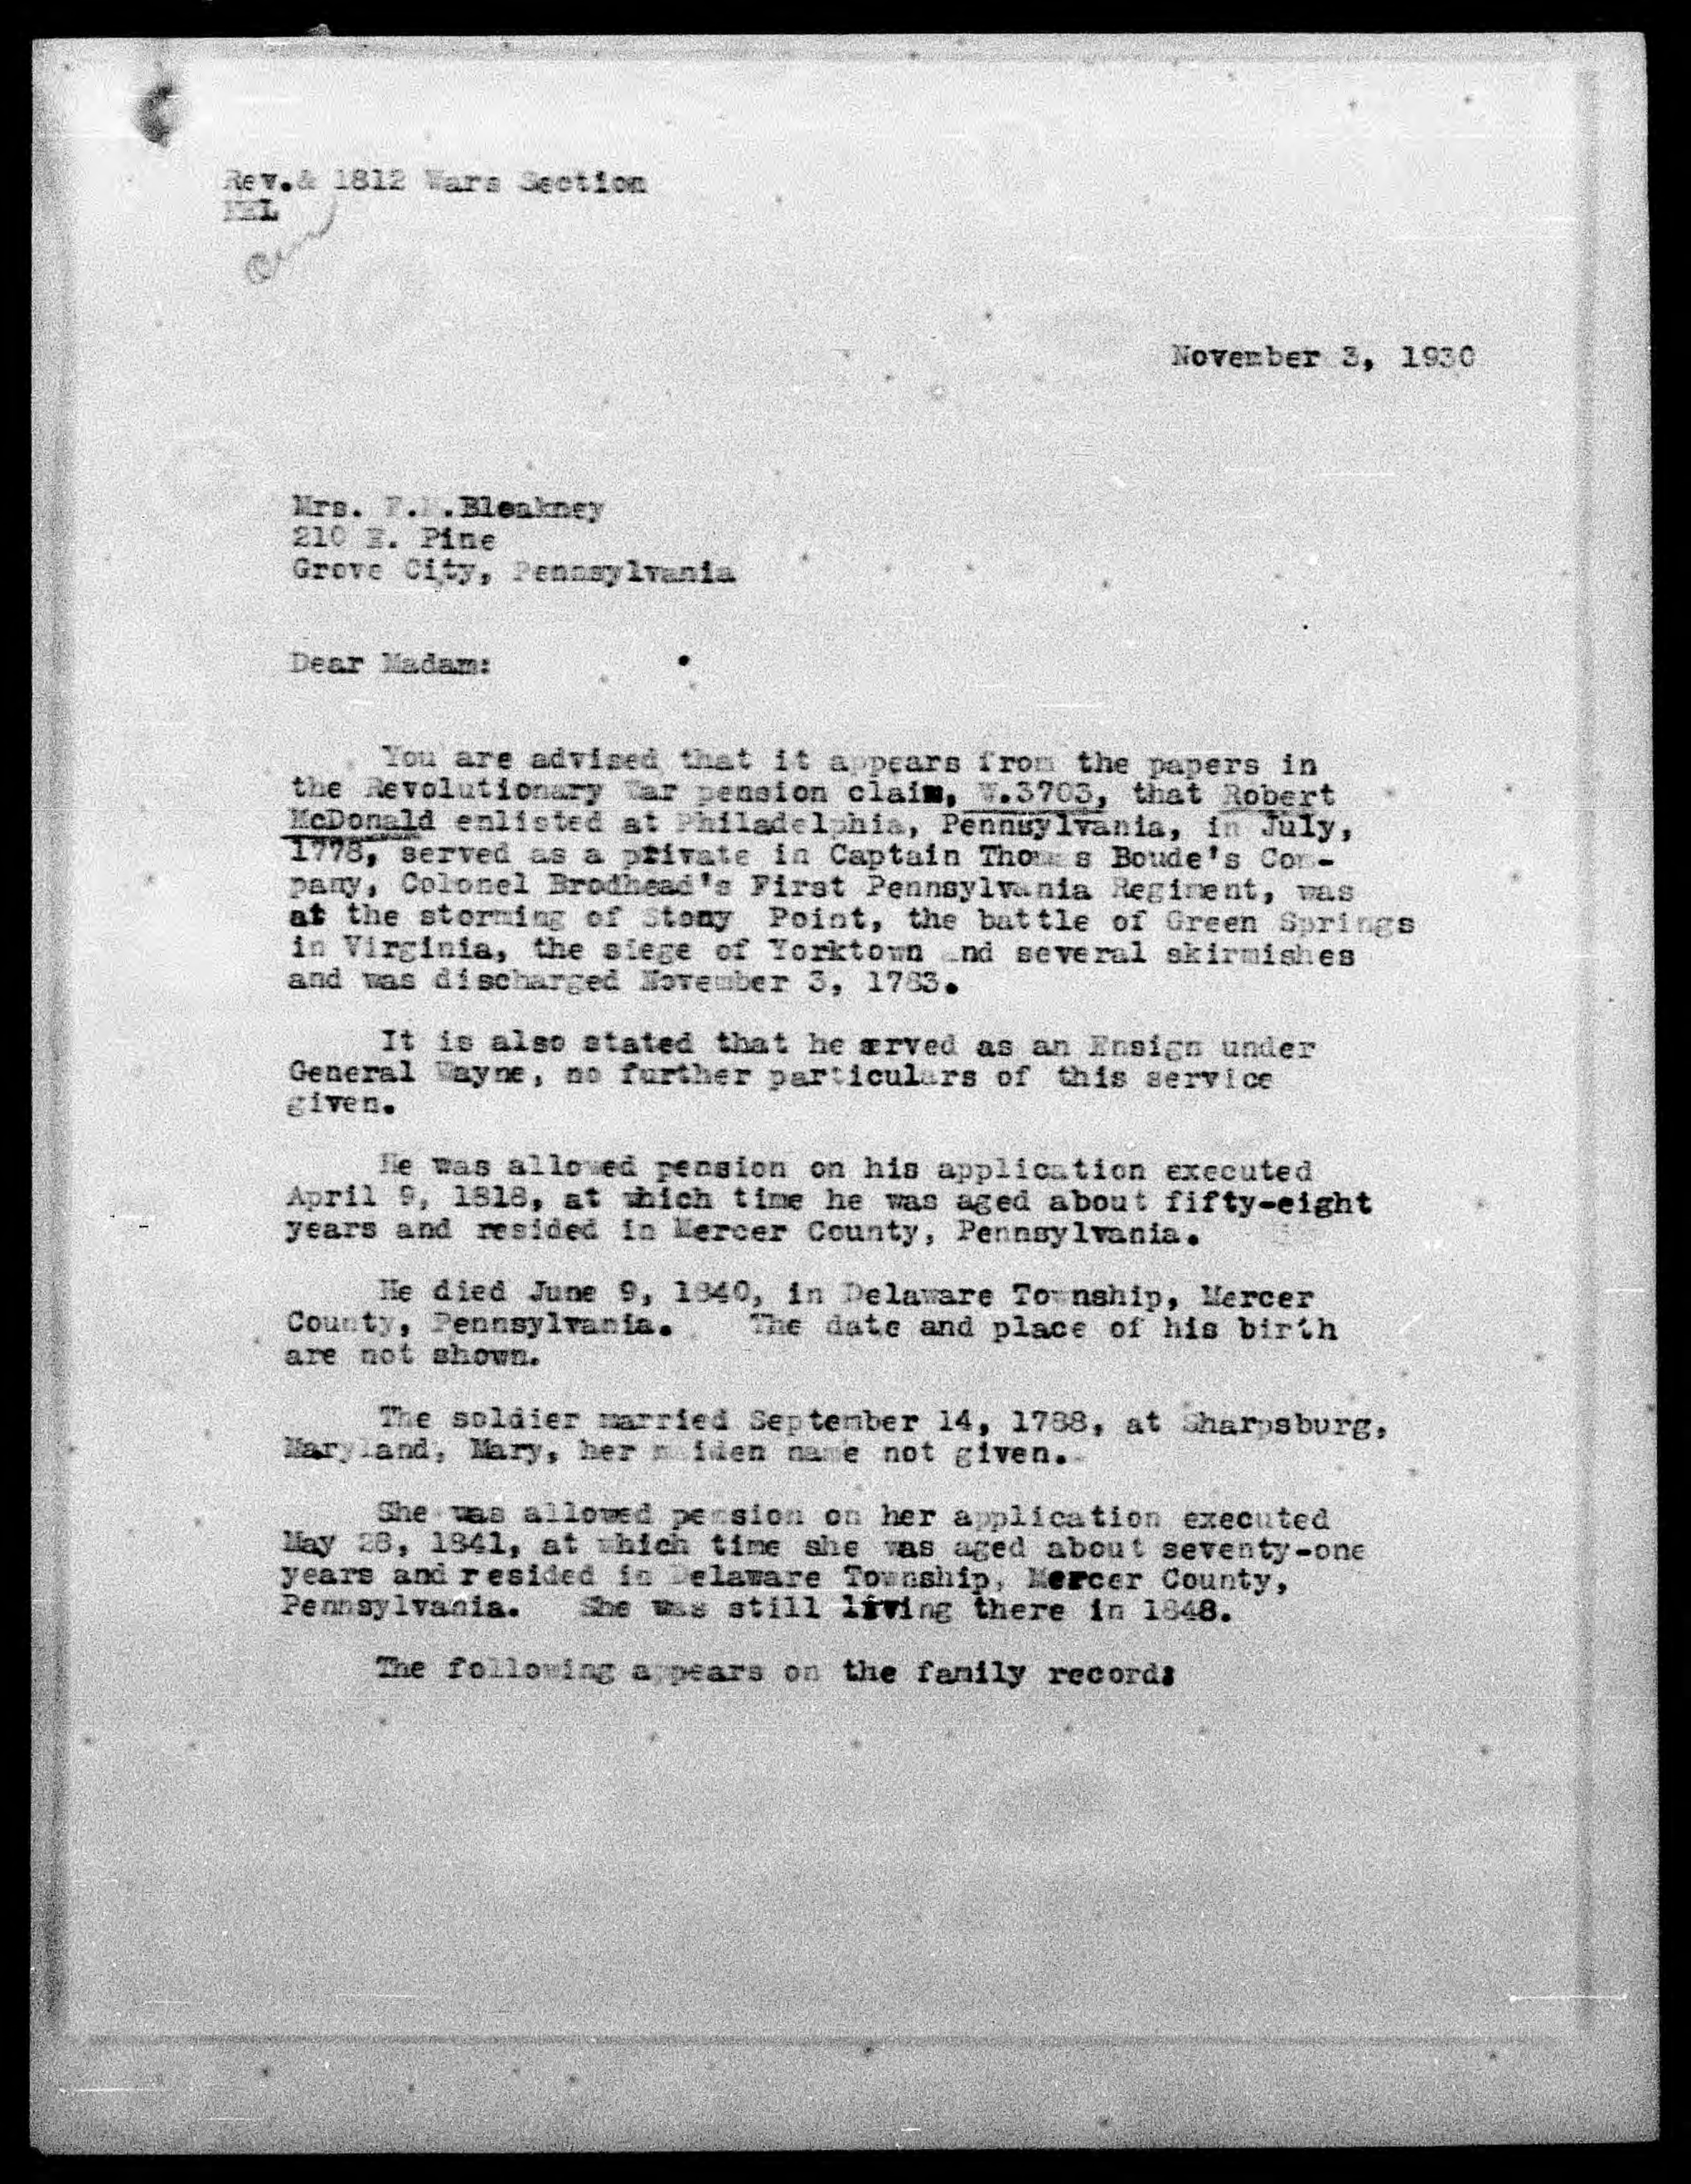Rev. 1812 Wars Section
Rev
November 3, 1930
Mrs. F.M. Bleakney
210 E. Pine
Grove City, Pennsylvania
Dear Madam:
You are advised that it appears from the papers in the Revolutionary War Pension claim, W.3703, that Robert McDonald enlisted at Philadelphia, Pennsylvani, in July, 1778, served as a private in Captain Thomas Boude's Company, Colonel Brodhead's First Pennsylvania Regiment, was at the storming of Stony Point, the battle of Green Springs in Virginia, the siege of Yorktown and several skirmishes and was discharged November 3, 1783. 
It is also stated that he served as a Ensign under General Wayne, no further particulars of this service given. He was allowed pension on his application executed April 9, 1818, at which time he was aged about fifty-eight years and resided in Mercer County, Pennsylvania.
He died June 9, 1840, in Delaware Township, Mercer County, Pennsylvania. The date and place of his birth are not shown. 
The soldier married September 14, 1788, at Sharpsburg, Maryland, Mary, her maiden name not given.
She was allowed pension on her application executed May 28, 1841, at which time she was aged about seventy-one years and resided in Delaware Township. Mercer County, Pennsylvania. She was still living there in 1848. The following appears on the family records:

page: 21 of 59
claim: widow's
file: W 3703, for Robert Mc Donald, Pennsylvania